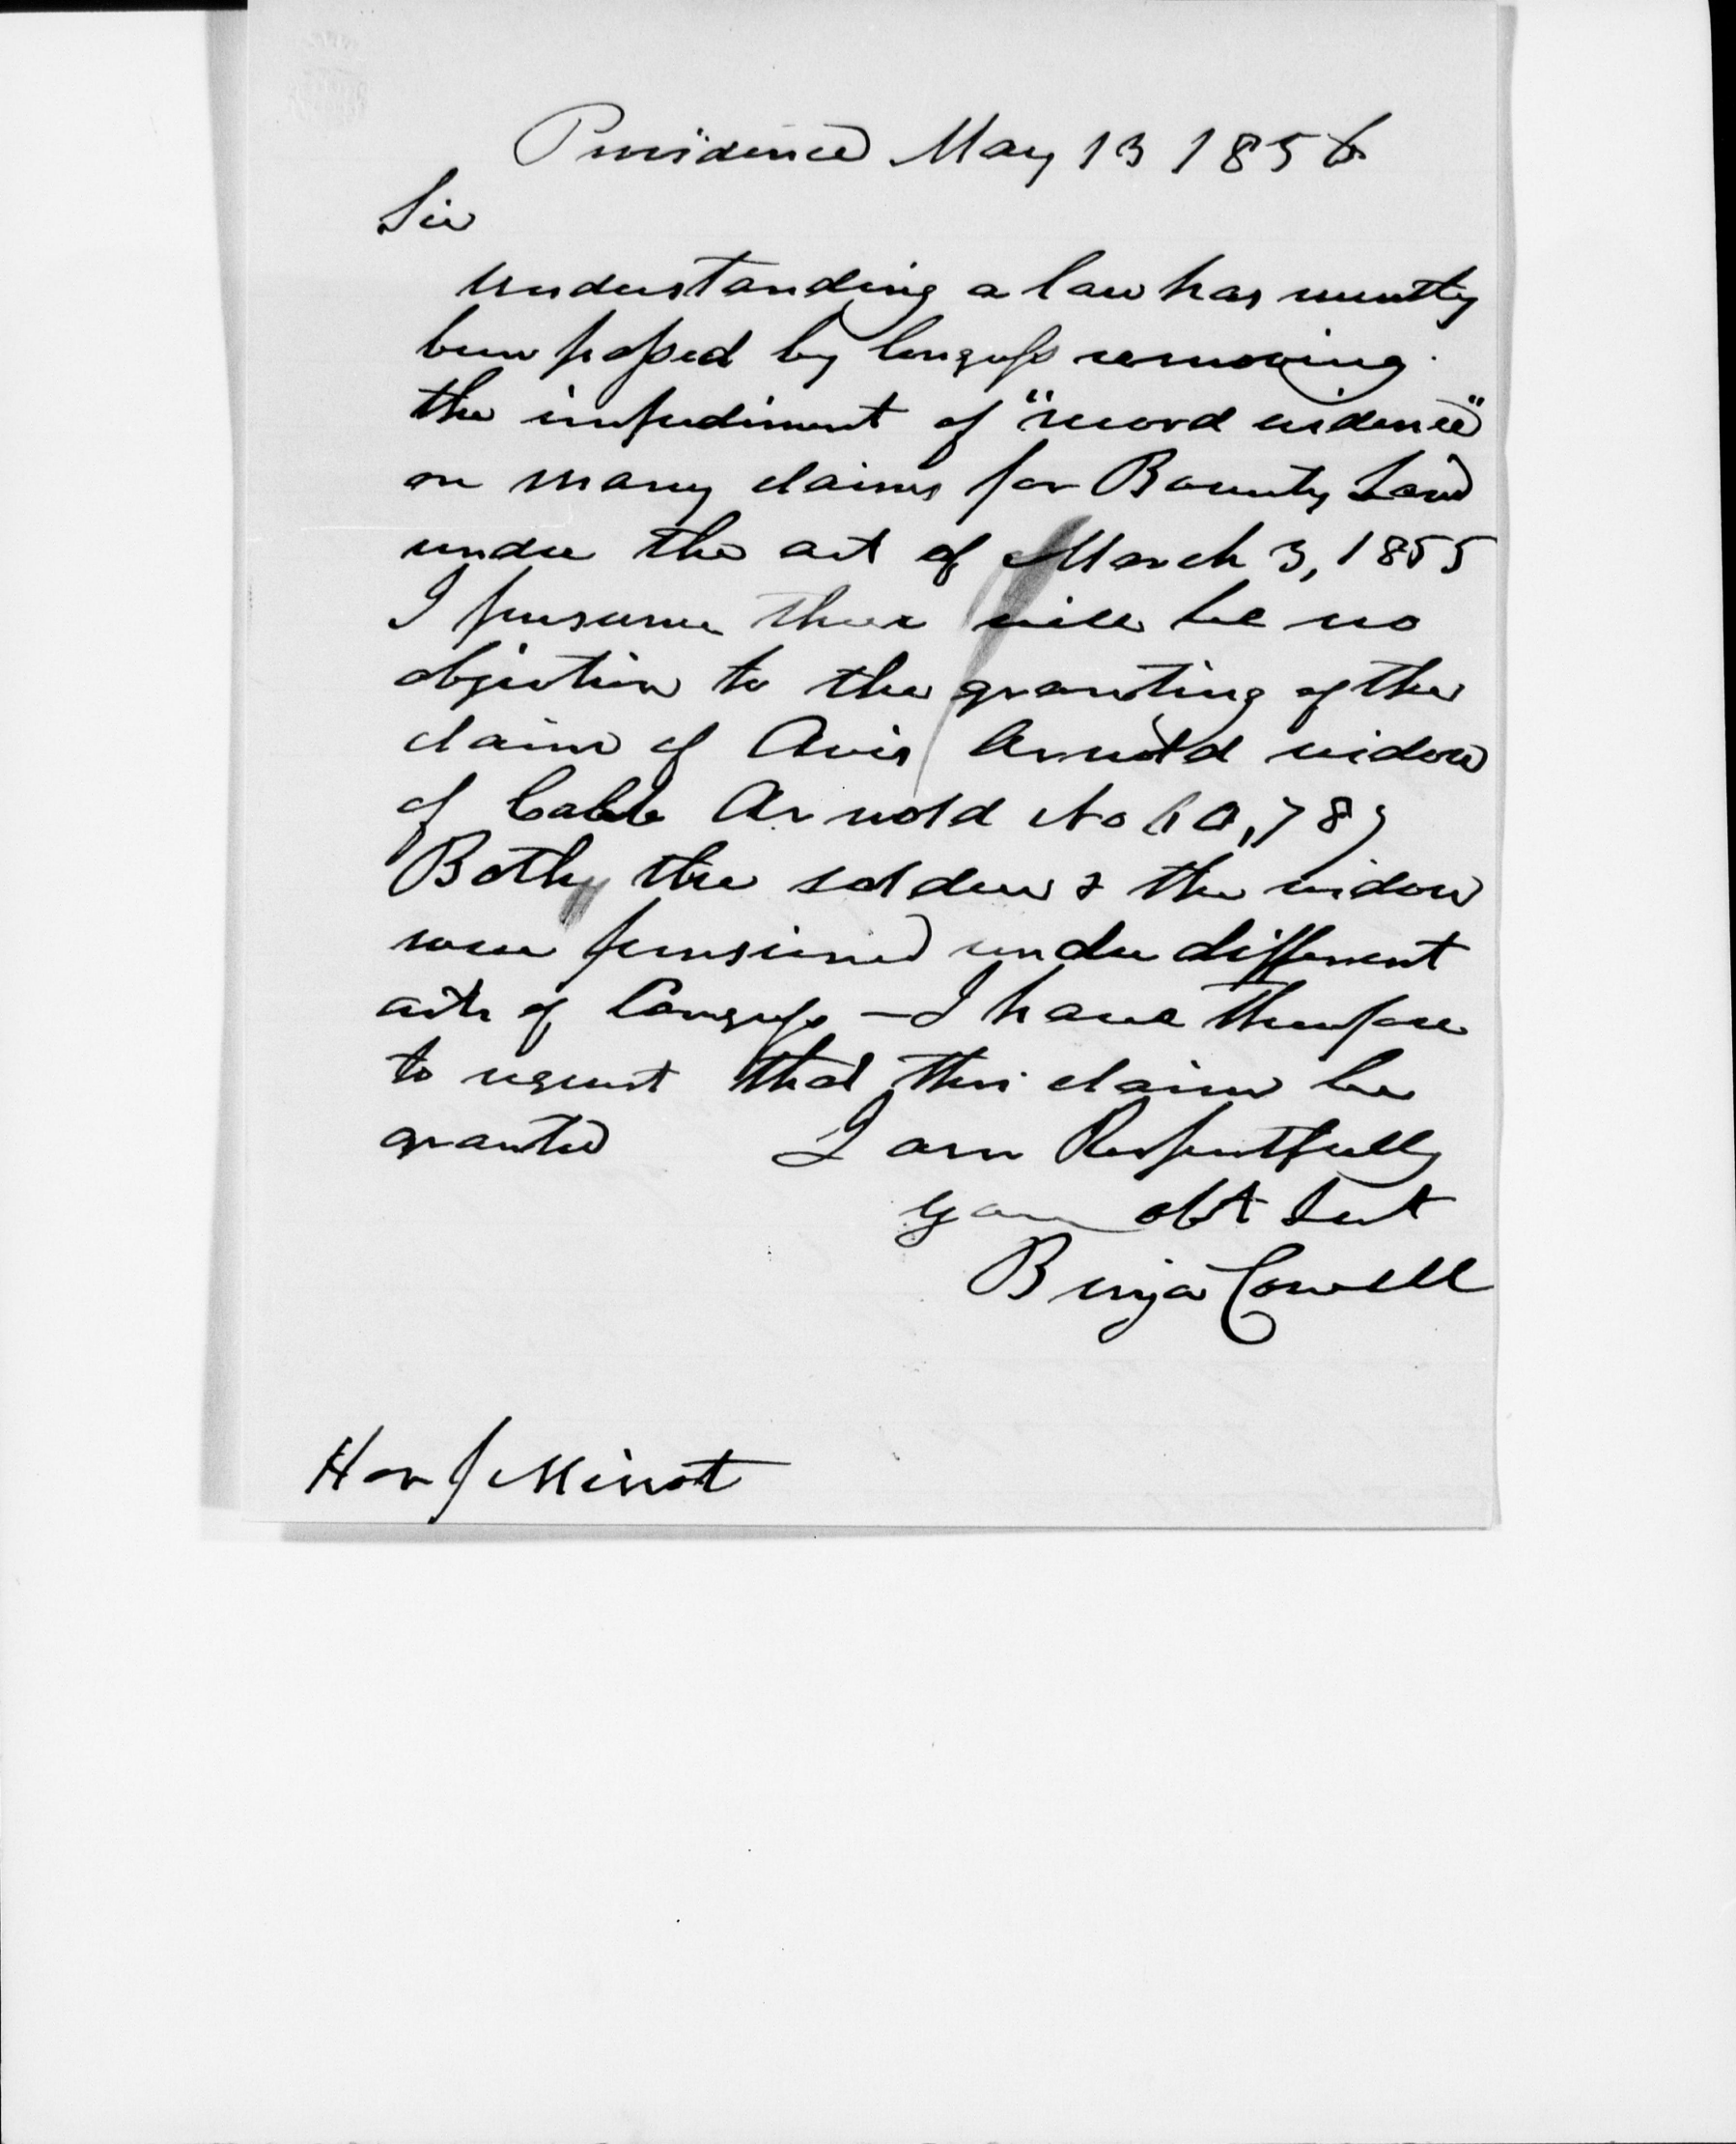Providence May 13 1856
Sir
Understanding a law has recently been passed by Congress removing the impediment of "record evidence" on many claims for Bounty Land under the act of March 3, 1855
I _____ there since be no objection to the granting of the claim of Avis Arnold widow of Caleb Arnold No 60,785 
Both the soldier & the widow were ______ under different acts of Congress -I have therefore to request that this claim be granted
I am Respectfully 
your ___ ___
Benja Cowell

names: Caleb Arnold, Benja Cowell, J Minot, Avis Arnold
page: 28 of 29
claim: widow's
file: W. 2582, Caleb Arnold, R.I.